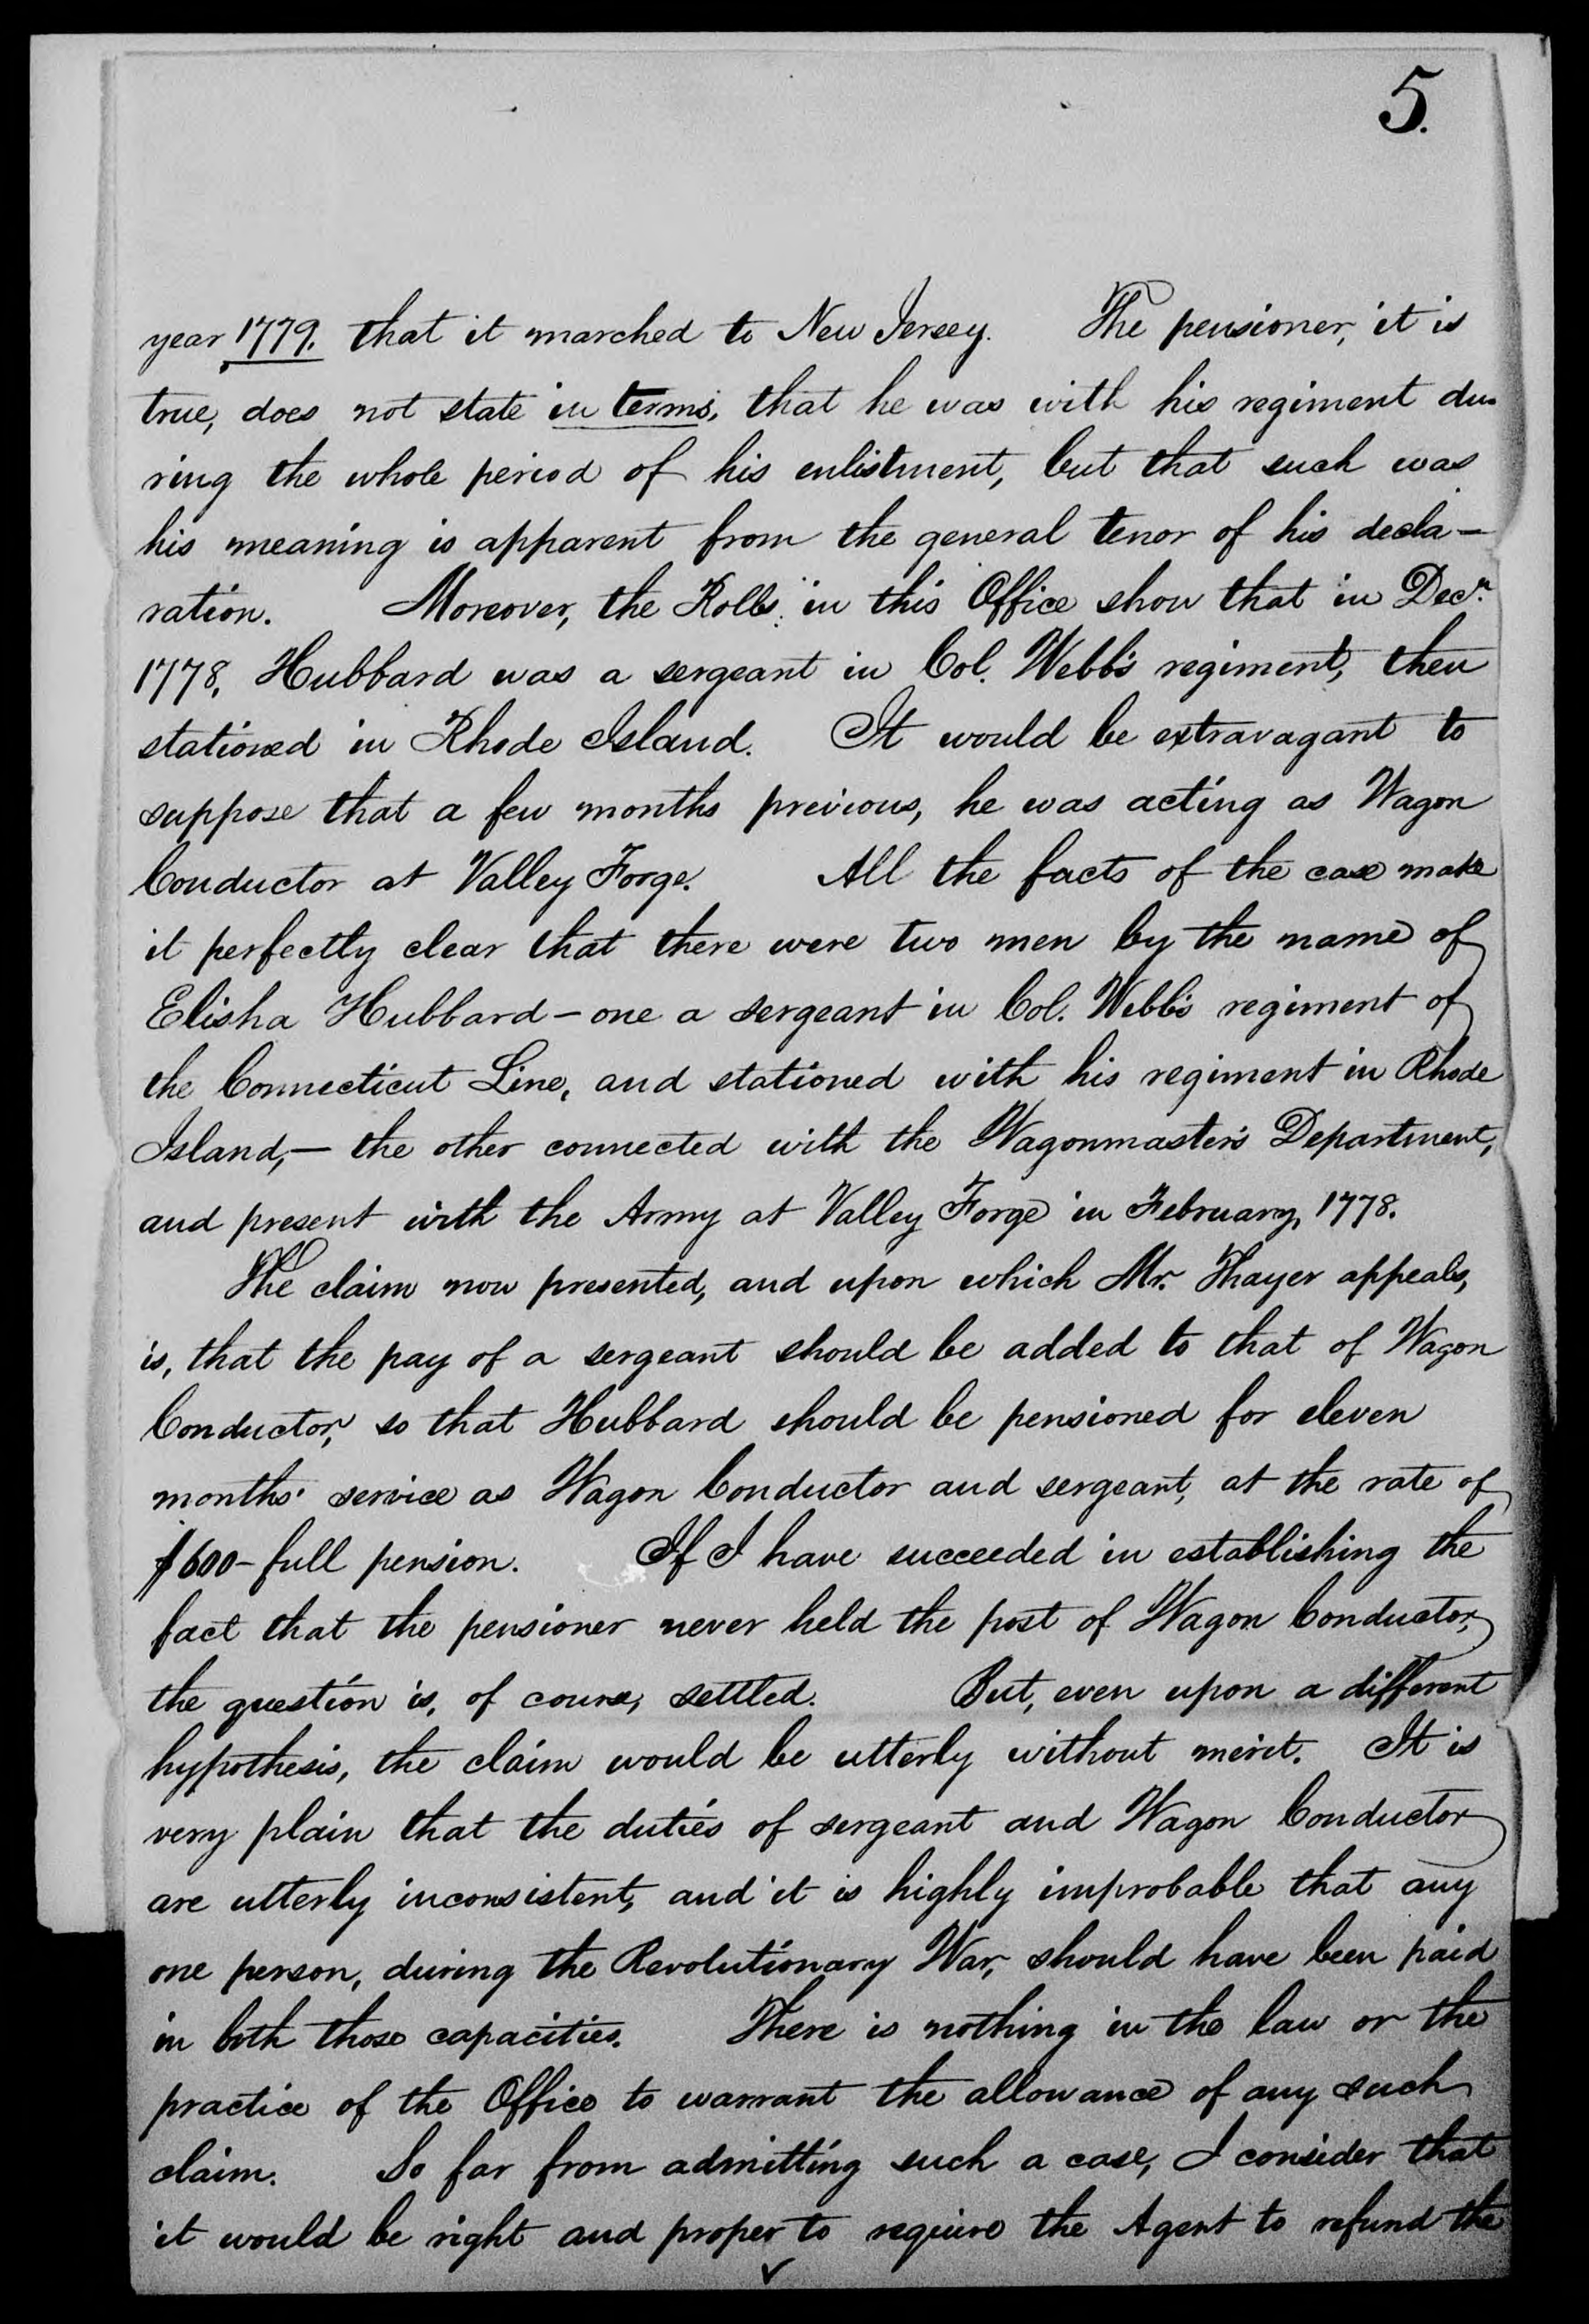year 1779. that it marched to New Jersey.  The pensioner, it is true, does not state in terms, that he was with his regiment during the whole period of his enlistment, but that such was his meaning is apparent from the general tenor of his declaration.  Moreover, the Rolls in this Office show that in Dec. 1778, Hubbard was a sergeant in Col. Webb's regiment, then stationed in Rhole Island.  It would be extravagant to suppose that a few months previous, he was acting as Wagon Conductor at Valley Forge.  All the facts of the case maket perfectly clear that there were two men by the name of Elisha Hubbard - one a sergeant in Col. Web's regiment of the Connecticut Line, and stationed with the regiment in Rhode Island, - the other connected with the Wagonmaster's Department, and present with the Army at Valley Forge in February, 1778.

The claim now presented and upon which Mr. Thayer appeals, in that the pay of the sergeant should be added to that of Wagon Conductor, so that Hubbard should be pensioned for eleven months' service as Wagon Conductor and sergeant, at the rate of $600 - full pension.  If I have succeeded in establishing the fact that the pensioner never held the post of Wagon Conductor, the question is, of  course, settled.  But, even upon a different hypothesis, the claim would be utterly without merit.  It is very plain that the duties of sergeant and Wagon Conductor are utterly inconsistent, and it is highly improbable that any one person, during the Revolutionary War, should have been paid in both those capacities. There  is nothing in the law or the practice of the Office to warrant the allowance of any such claim.  So far from admitting such a case, I consider that it would be right and proper to require the Agent to refund the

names: Elisha Hubbard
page: 52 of 63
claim: survivor's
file: S. 18457, Elisha Hubbard, Conn. Continental